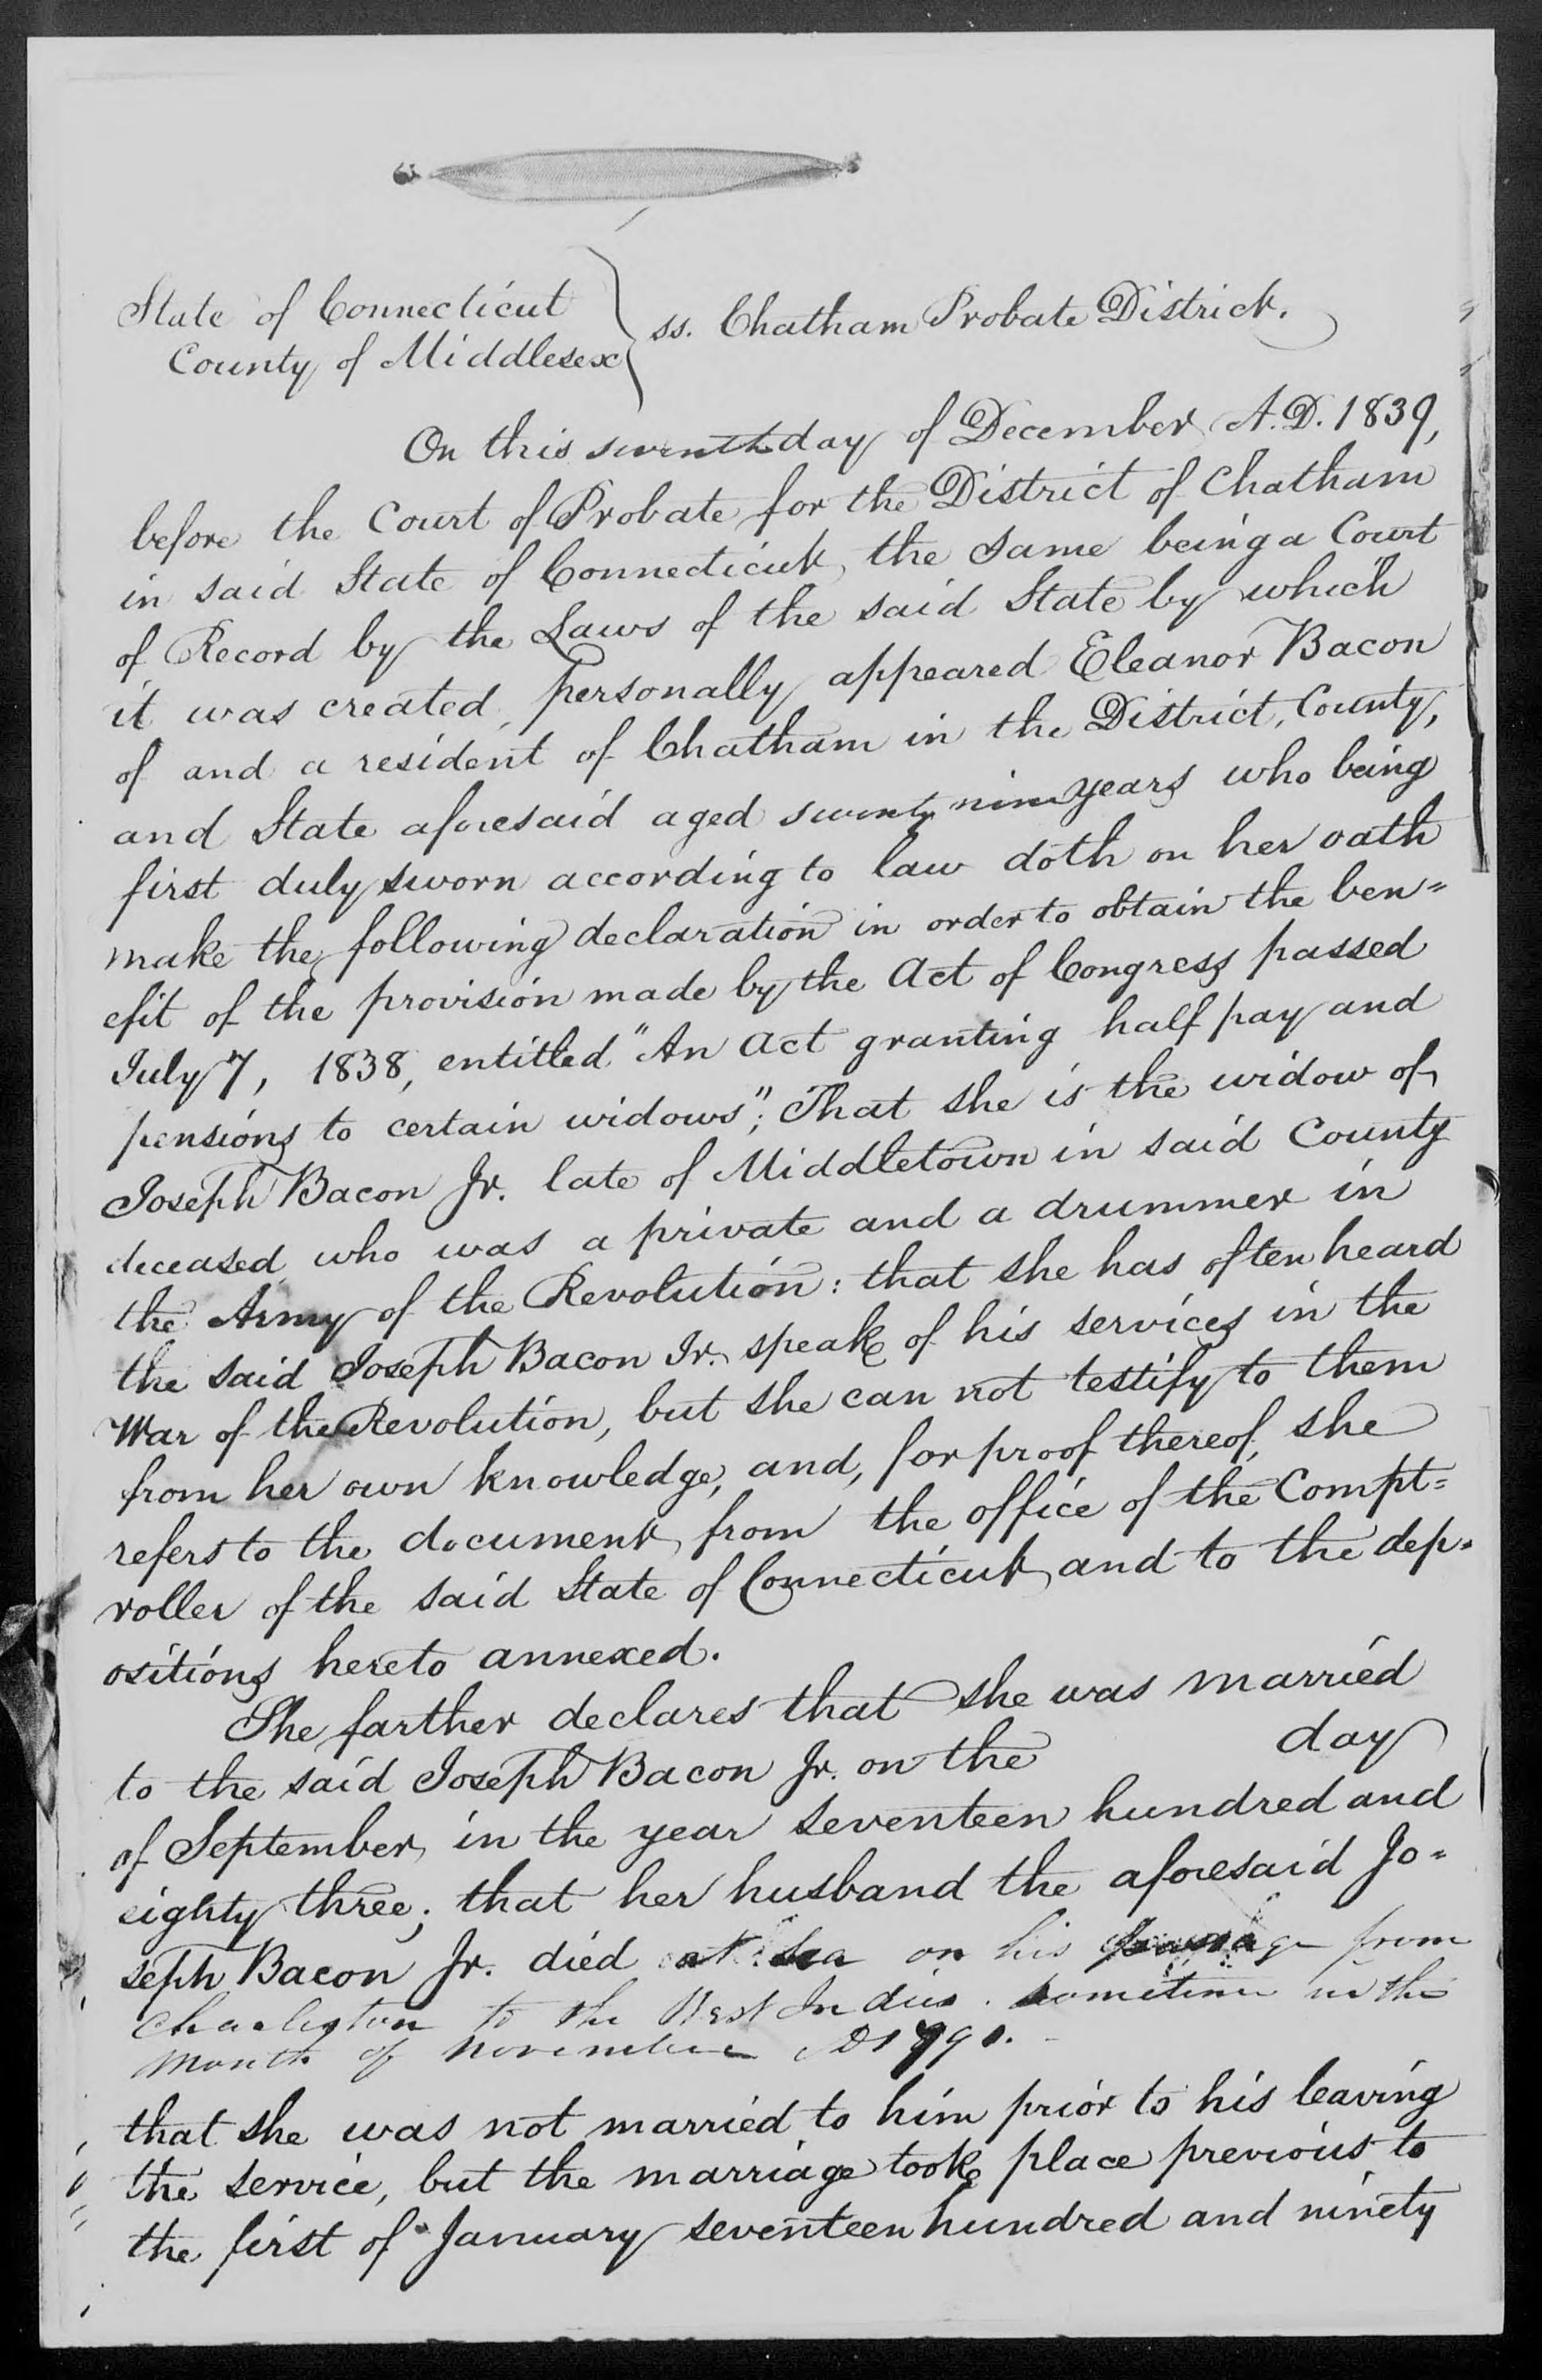"State of Connecticut
County of Middlesex}
ss. (namely) Chatham Probate District. 

On this seventh day of December A. D. 1839, before the Court of Probate for the District of Chatham in said State of Connecticut, the same being a Court of Record by the Laws of the said State by which it was created, personally appeared Eleanor Bacon of and a resident of Chatham in the District, County, and State aforesaid aged seventy nice years who being first duly sworn according to the law doth on her oath make the following declaration in order to obtain the benefit of the provision made by the Act of Congress passed July 7, 1838, entitled "An Act granting half pay and pensions to certain widow"; That She is the widow of Joseph Bacon, Jr., late of Middletown in said County deceased who was a private and a drummer in the Army of the Revolution: that she has often heard the said Joseph Bacon Jr. speak of his services in the War of the Revolution, but she can not testify to them from her own knowledge, and, for prood thereof, she refers to the document from the office of the Comptroller of the said State of Connecticut and to the depositions hereto annexed. 

She further delares that she was married to the said Joseph Bacon Jr., on the ________ day of September in the year Seventeen hundred and eighty three; that her husband the aforesaid Joseph Bacon Jr. died at Sea on his passage from Charleston to the West Indies sometime in the Month of November A. D. 1790; that she was not married to him prior to his leaving the Service, but the marriage took place previous to the first of January Seventeen hundred and ninety"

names: Eleanor Bacon, Joseph Bacon, Joseph Bacon, Joseph Bacon, Joseph Bacon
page: 3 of 24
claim: widow's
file: W. 25190, Joseph Bacon, Continental (Conn)